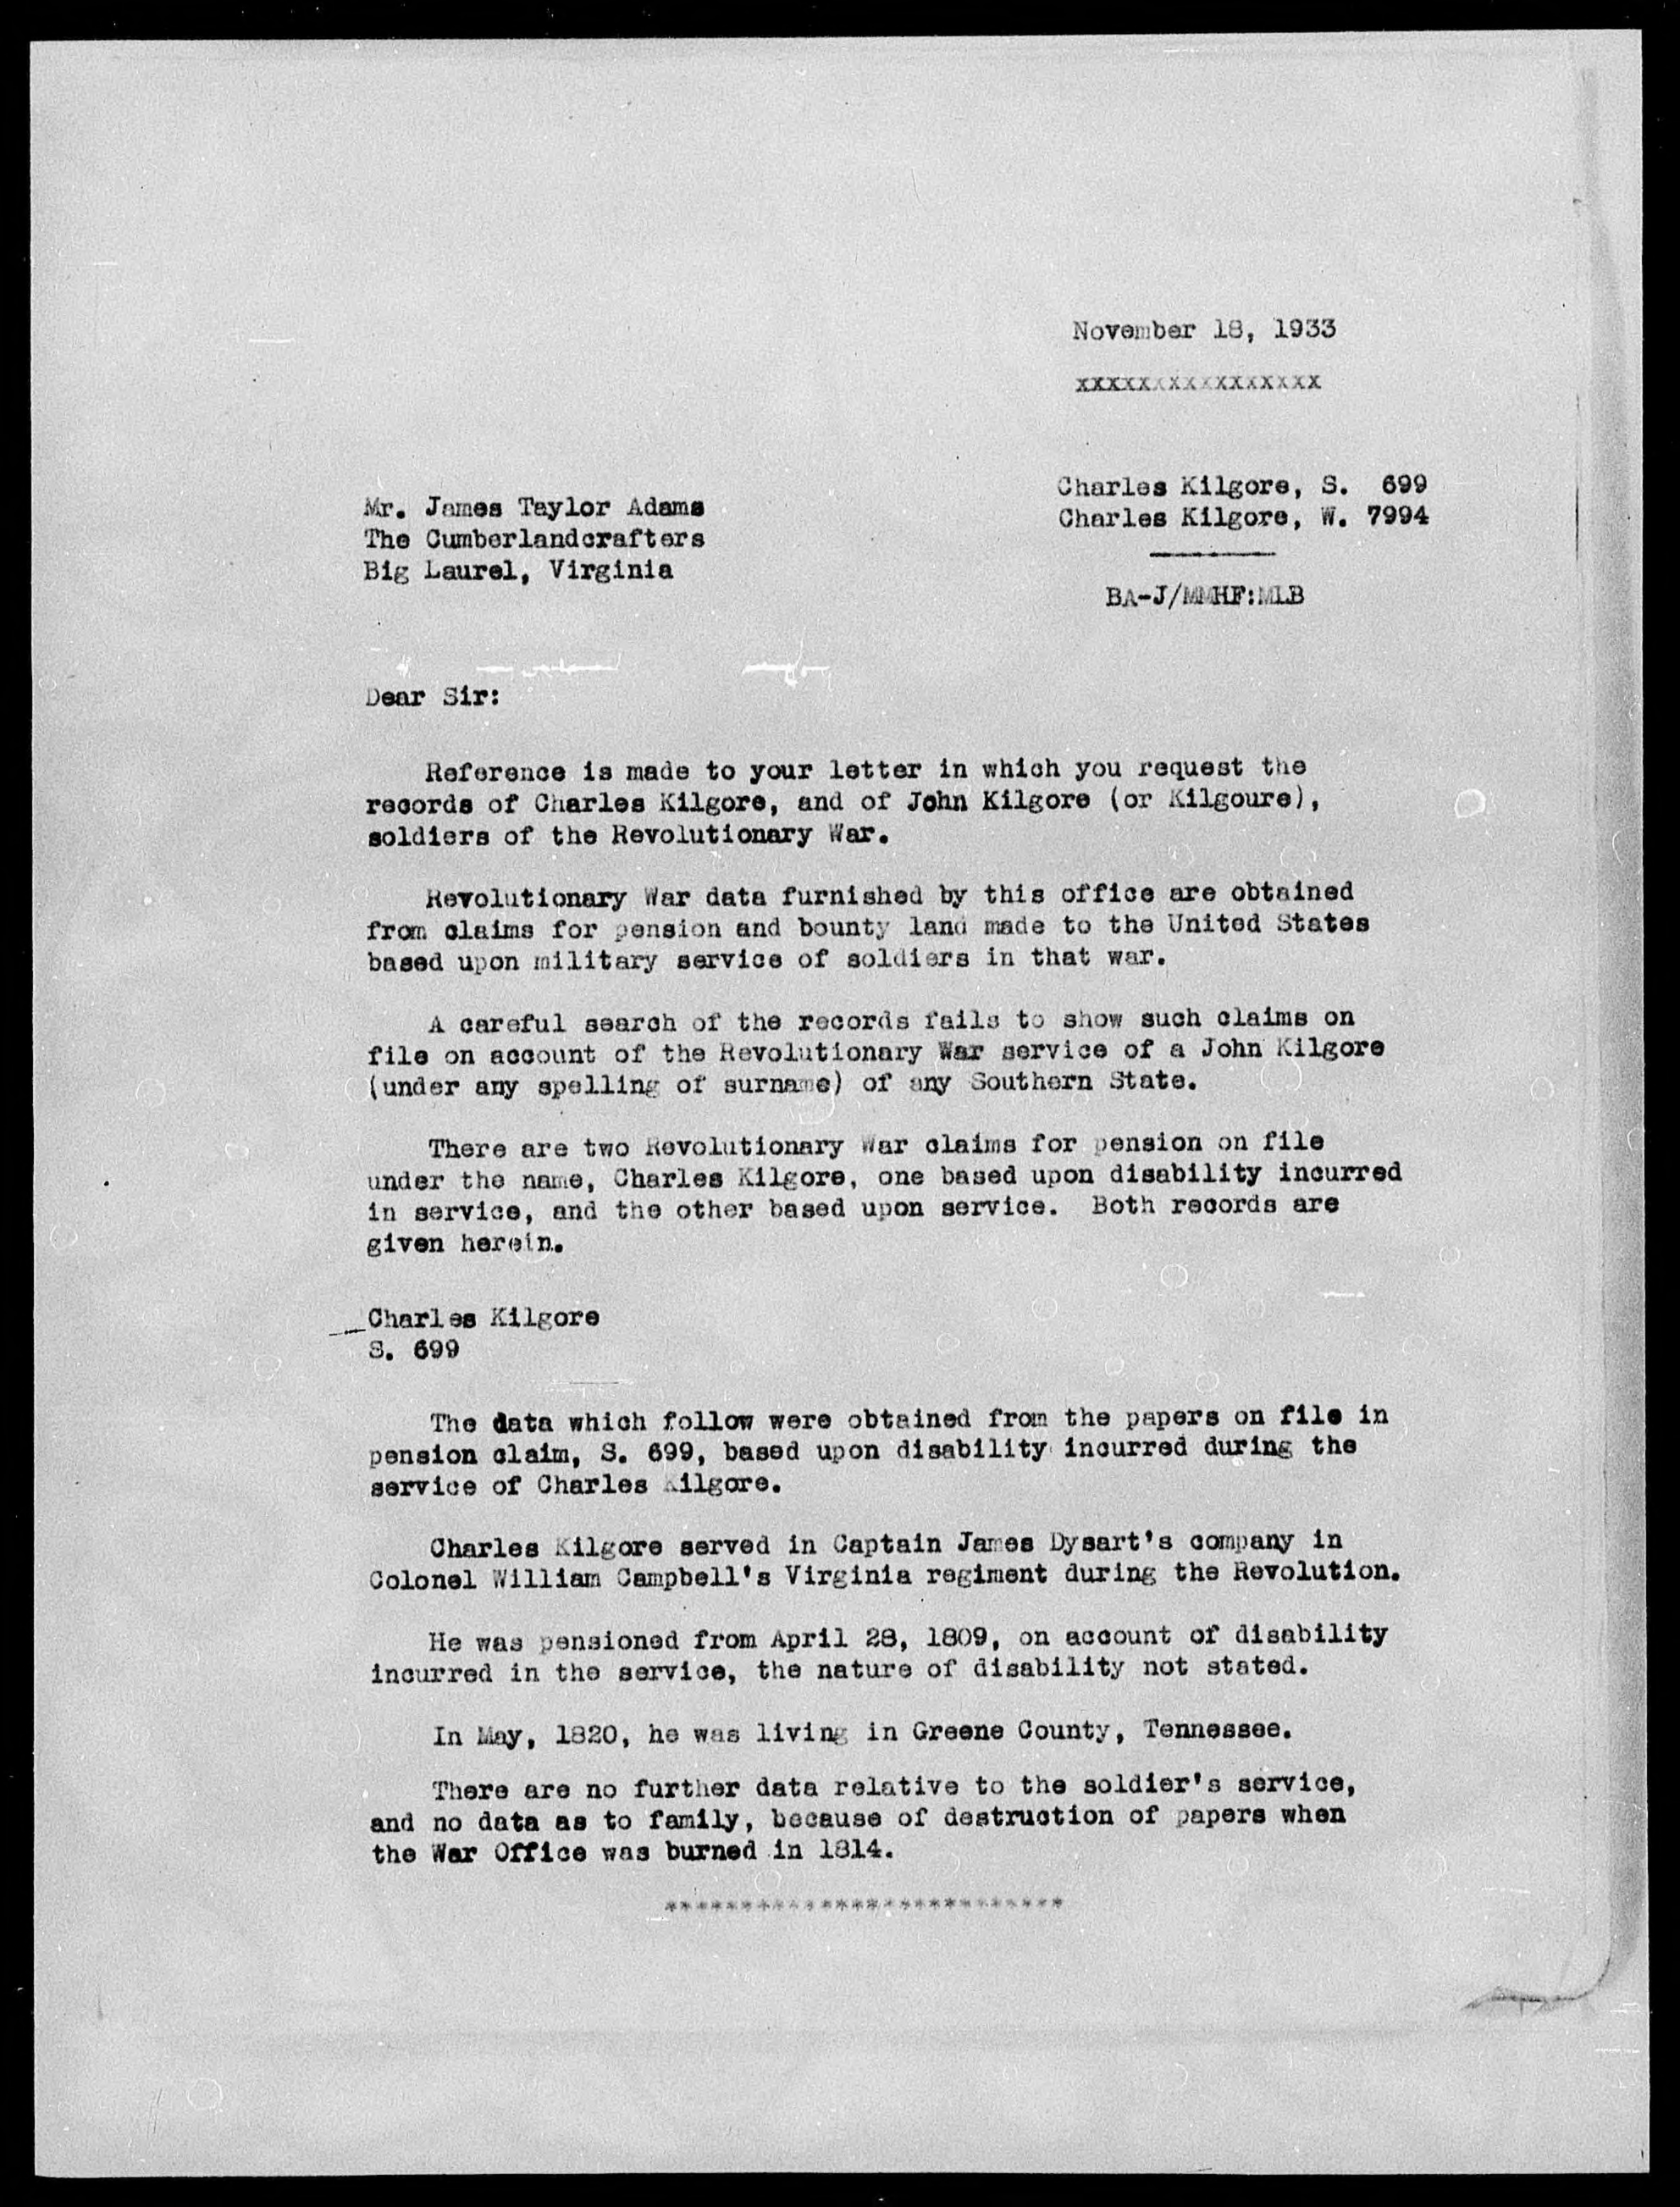November 18, 1933
Charles Kilgore, S. 699
Charles Kilgore, W. 7994
BA-J/MMHF:MLB

Mr. James Taylor Adams
The Cumberlandcrafters
Big Laurel, Virginia

Dear Sir:
Reference is made to your letter in which you request the records of Charles Kilgore, and of John Kilgore (or Kilgoure), soldiers of the Revolutionary War.
Revolutionary War data furnished by this office are obtained from claims for pension and bounty land made to the United States based upon military service of soldiers in that war.
A careful search of the records fails to show such claims on file on account of the Revolutionary War service of a John Kilgore (under any spelling of surname) of any Southern State.
There are two Revolutionary War claims for pension on file under the name, Charles Kilgore, one based upon disability incurred in service, and the other based upon service. Both records are given herein.

Charles Kilgore
S. 699
The data which follow were obtained from the papers on file in pension claim, S. 699, based upon disability incurred during the service of Charles Kilgore.
Charles Kilgore served in Captain James Dysart's company in Colonel William Campbell's Virginia regiment during the Revolution.
He was pensioned from April 28, 1809, on account of disability incurred in the service, the nature of disability not stated.
In May, 1820, he was living in Greene County, Tennessee.
There are no further data relative to the soldier's service, and no data as to family, because of destruction of papers when the War Office was burned in 1814.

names: Charles Kilgore; John Kilgore; John Kilgoure; James Taylor Adams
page: 12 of 115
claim: survivor's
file: S. 699, for Charles Kilgore, Virginia